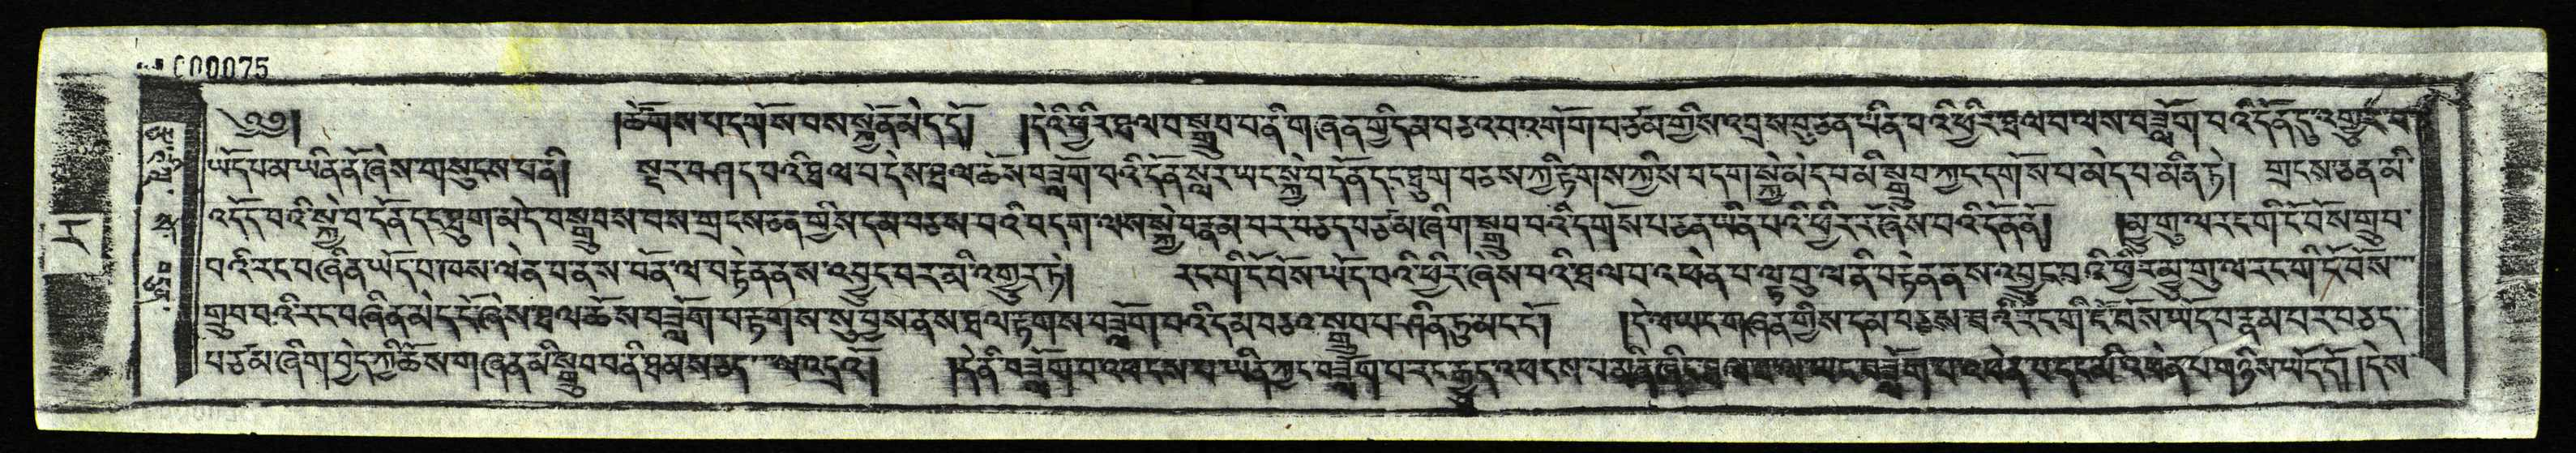༄༅། །ཚོགས་པ་དགོས་བས་སྐྱོན་མེད་དོ། །དེའི་ཕྱིར་ཐལ་བ་སྒྲུབ་པ་ནི་གཞན་གྱི་དམ་བཅའ་བ་འགོག་པ་ཙམ་གྱིས་འབྲས་བུ་ཅན་ཡིན་པའི་ཕྱིར་ཐལ་བ་ལས་བཟློག་པའི་དོན་དུ་འགྱུར་པ་
ཡོད་པ་མ་ཡིན་ནོ་ཞེས་གསུངས་པ་ནི། སྔར་བཤད་བའི་ཐལ་བ་དེས་ཐལ་ཆོས་བཟློག་བའི་དོན་སླར་ཡང་སྐྱེ་བ་དོན་དང་ཐུག་བཅས་ཀྱི་རྟགས་ཀྱིས་བདག་སྐྱེ་མེད་པ་མི་སྒྲུབ་ཀྱང་དགོས་པ་མེད་པ་མིན་ཏེ། གྲངས་ཅན་མི་
འདོད་པའི་སྐྱེ་བ་དོན་དང་ཐུག་མེད་པ་སྒྲུབས་པས་གྲངས་ཅན་གྱིས་དམ་བཅས་པའི་བདག་ལས་སྐྱེ་བ་རྣམ་པར་བཅད་པ་ཙམ་ཞིག་སྒྲུབ་པའི་དགོས་པ་ཅན་ཡིན་པའི་ཕྱིར་རོ་ཞེས་པའི་དོན་ནོ། །མྱུ་གུ་ལ་རང་གི་ངོ་བོས་གྲུབ་
པའི་རང་བཞིན་ཡོད་པ་ཁས་ལེན་པ་ན་ས་བོན་ལ་བརྟེན་ནས་འབྱུང་བར་མི་འགྱུར་ཏེ། རང་གི་ངོ་བོས་ཡོད་པའི་ཕྱིར་ཞེས་པའི་ཐལ་བ་འཕེན་པ་ལྟ་བུ་ལ་ནི་བརྟེན་ནས་འབྱུང་བའི་ཕྱིར་མྱུ་གུ་ལ་རང་གི་ངོ་བོས་
གྲུབ་པའི་རང་བཞིན་མེད་དོ་ཞེས་ཐལ་ཆོས་བཟློག་བ་རྟགས་སུ་བྱས་ནས་ཐལ་རྟགས་བཟློག་པའི་དམ་བཅའ་སྒྲུབ་པ་ཤིན་ཏུ་མང་ངོ། །དེ་ལ་ཡང་གཞན་གྱིས་དམ་བཅས་པའི་རང་གི་ངོ་བོས་ཡོད་པ་རྣམ་པར་བཅད་
པ་ཙམ་ཞིག་བྱེད་ཀྱི་ཆོས་གཞན་མི་སྒྲུབ་པ་ནི་ཐམས་ཅད་ལ་འདྲའོ། །དེ་ནི་བཟློག་པ་འཕངས་པ་ཡིན་ཀྱང་བཟློག་པ་རང་རྒྱུད་འཕངས་པ་མིན་ཞིང་ཐལ་བ་ལ་ཡང་བཟློག་པ་འཕེན་པ་དང་མི་འཕེན་པ་གཉིས་ཡོད་དོ། །དེས་